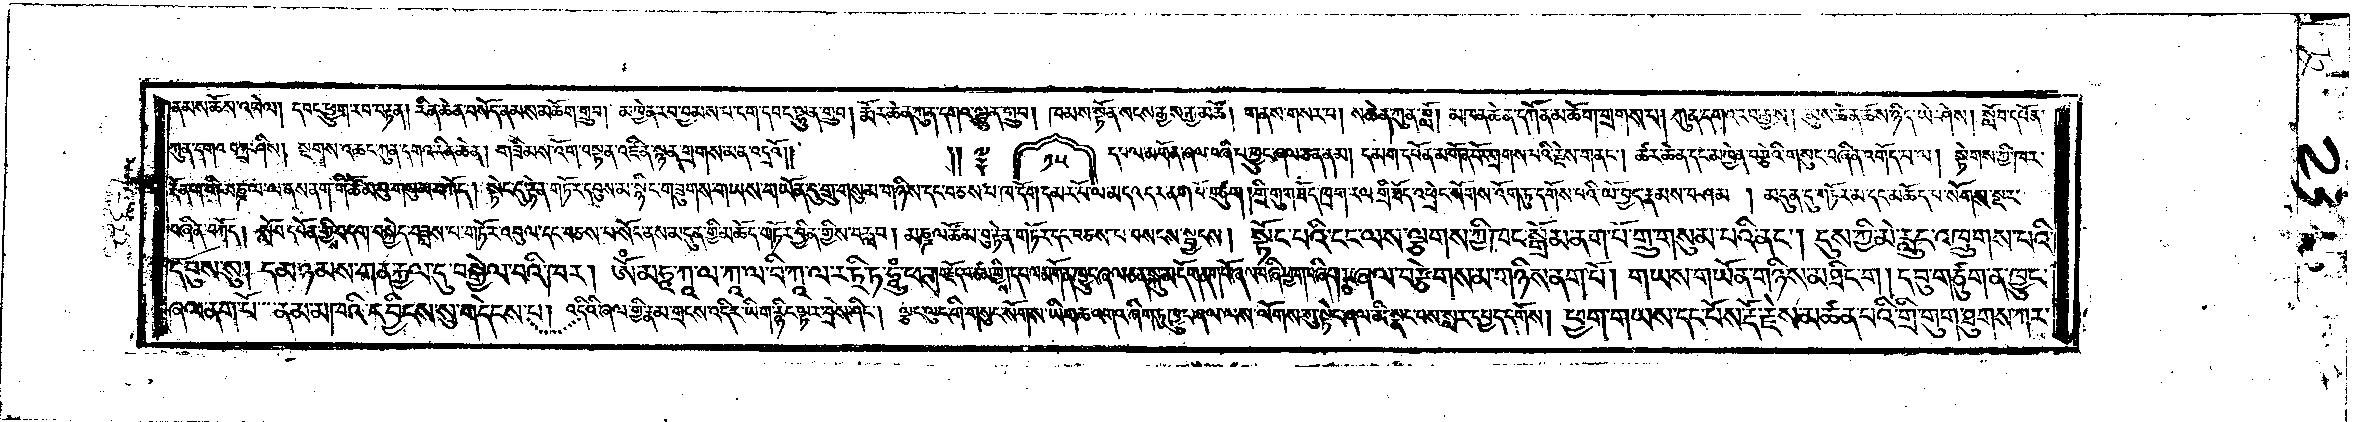ནམས་ཆོས་འཕེལ། དབང་ཕྱུག་རབ་བརྟན། རིན་ཆེན་བསོད་ནམས་མཆོག་གྲུབ། མཁྱེན་རབ་བྱམས་པ་ངག་དབང་ལྷུན་གྲུབ། རྨོར་ཆེན་ཀུན་དགའ་ལྷུན་གྲུབ། ཁམས་སྟོན་སངས་རྒྱས་རྒྱ་མཚོ། གནས་གསང་བ། མཆེན་ཀུན་བློ། མཁན་ཆེན་དཀོན་མཆོག་གྲགས་པ། ཀུན་དགའ་རབ་རྒྱས། མུས་ཆེན་ཆོས་ཉིད་ཡེ་ཤེས། སློབ་དཔོན་
ཀུན་དགའ་བཀྲ་ཤིས། སྔགས་འཆང་ཀུན་དགའ་རིན་ཆེན། གཟིམས་འོག་བསྟན་འཛིན་སྙན་གྲགས་མན་འདྲའོ།། །། ༈ ༼༡༥༽ དཔལ་མགོན་ཞལ་བཞི་པ་ཁྱུང་ཞལ་ཅན་ནམ། དམག་དཔོན་མགོན་པོར་གྲགས་པའི་རྗེས་གནང་། ཚར་ཆེན་དང་མཁྱེན་བརྩེའི་གསུང་བཞིན་འགོད་པ་ལ། སྟེགས་ཀྱི་ཁར་
རྡོ་ནག་གི་མཎྜལ་ལ་ནས་ནག་གི་ཚོམ་བུ་གསུམ་བཀོད། སྟེང་དུ་རྟེན་གཏོར་དབུས་མ་སྙིང་གཟུགས་གཡས་གཡོན་དུ་གྲུ་གསུམ་གཉིས་དང་བཅས་པ་ལ་དོག་དམར་པོ་ལ་མདའ་དར་ནག་པོ་བཙུག །གྲི་གུག་ཐོད་ཁྲག་རལ་གྲི་ཐོད་འཕྲེང་སོགས་འོག་ཏུ་དགོས་པའི་ཡོ་བྱད་རྣམས་བཤམ། མདུན་དུ་གཏོར་མ་དང་མཆོད་པ་སོགས་སྔར་
བཞིན་བཀོད། སློབ་དཔོན་གྱིས་བདག་བསྐྱེད་བཟླས་པ་གཏོར་འབུལ་དང་བཅས་པ་སོང་ནས་མདུན་གྱི་མཆོད་གཏོར་བྱིན་གྱིས་བརླབ། མཎྜལ་ཚོམ་བུ་རྟེན་གཏོར་དང་བཅས་པ་བསངས་སྦྱངས། སྟོང་པའི་ངང་ལས་ལྕགས་ཀྱི་ཁང་སྒྲོམ་ནག་པོ་གྲུ་གསུམ་པའི་ནང་། དུས་ཀྱི་མེ་རླུང་འཁྲུགས་པའི་
དབུས་སུ། དམ་ཉམས་གན་རྐྱལ་དུ་བསྒྱེལ་བའི་ཁར། ཨོཾ་མཧཱ་ཀཱ་ལ་ཀཱ་ལ་བི་ཀཱ་ལ་ར་ཏྲི་ཏ་ཧཱུཾ་ཕཊ། བརྗོད་བཙམ་གྱིས། དཔལ་མགོན་ཁྱུང་ཞལ་ཅན་སྐུ་མདོག་ནག་པོ་ཞལ་བཞི་ཕྱག་བཞིག །  རྩ་ཞལ་བརྩེགས་མ་གཉིས་ནག་པོ། གཡས་གཡོན་གཉིས་མཐིང་ག །དབུ་གཙུག་ན་ཁྱུང་
ཞལ་ནག་པོ་ནམ་མཁའི་དབྱིངས་སུ་གདེངས་པ། འདིའི་ཞལ་གྱི་རྣམ་གྲངས་འདིར་ཡིག་རྙིང་ལྟར་བྲིས་ཤིང་། ལྕང་ལུང་གི་གསུང་སོགས་ཡིག་ཆ་འགའ་ཞིག་ཏུ་ཁྱུད་ཞལ་ལས་ལོགས་སུ་སྟེང་ཞལ་མི་སྣང་བས་སླར་དཔྱད་དགོས།  ཕྱག་གཡས་དང་པོས་རྡོ་རྗེས་མཚན་པའི་གྲི་གུག་ཐུགས་ཀར་